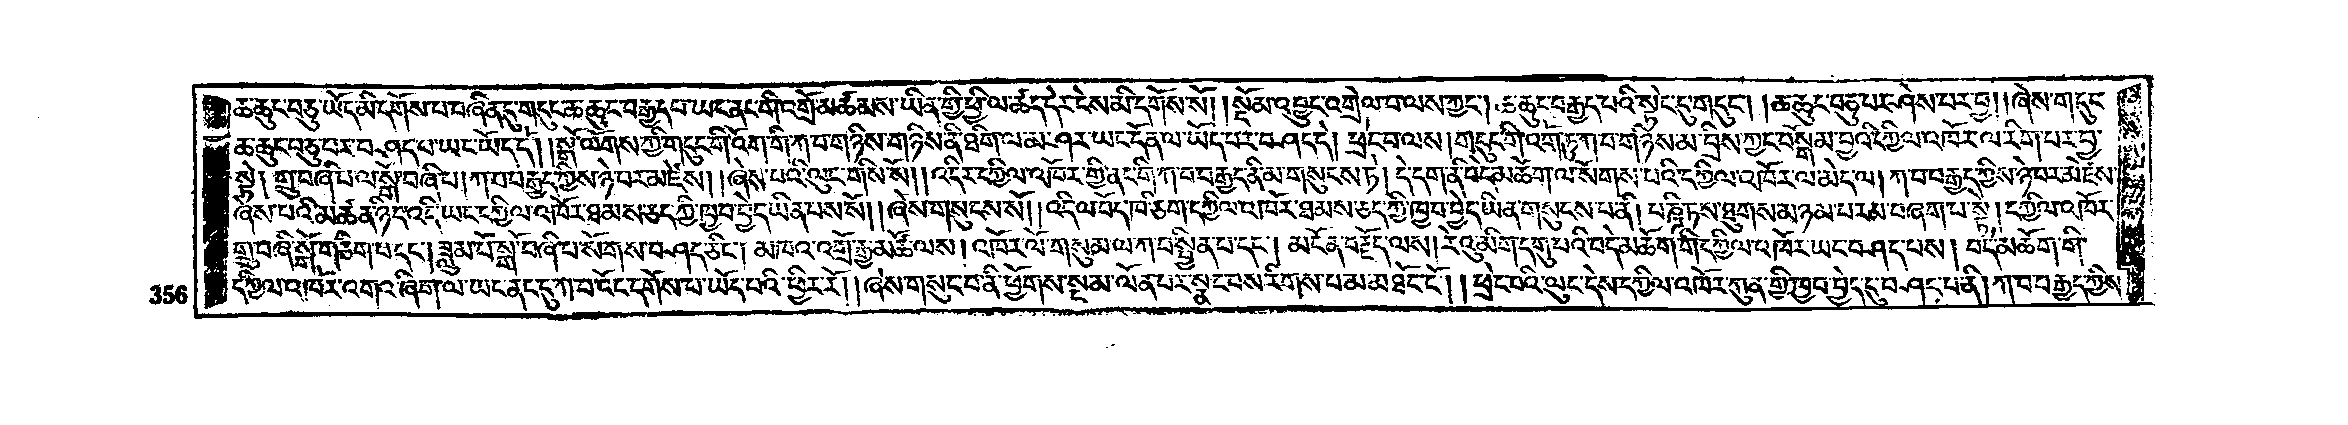ཆ་ཆུང་བཅུ་ཡོད་མི་དགོས་པ་བཞིན་དུ་གདུང་ཆ་ཆུང་བརྒྱད་པ་ཡང་ནང་གི་འགྲོ་མཚམས་ཡིན་གྱི་ཕྱི་ལ་ཚད་དེར་ངེས་མི་དགོས་སོ། །སྡོམ་འབྱུང་འགྲེལ་པ་ལས་ཀྱང་། ཆ་ཆུང་བརྒྱད་པའི་སྟེང་དུ་གདུང་། །ཆ་ཆུང་བཅུ་པར་ཤེས་པར་བྱ། །ཞེས་གདུང་
ཆ་ཆུང་བཅུ་པར་བཤད་པ་ཡང་ཡོད་དོ། །སྒོ་ལོགས་ཀྱི་གདུང་གི་འོག་གི་ཀ་བ་གཉིས་གཉིས་ནི་ཐིག་ལ་མ་ཤར་ཡང་དོན་ལ་ཡོད་པར་བཤད་དེ། ཕྲེང་བ་ལས། གདུང་གི་འོག་ཏུ་ཀ་བ་གཉིས་མ་བྲིས་ཀྱང་བསྒོམ་བྱའི་དཀྱིལ་འཁོར་ལ་རིག་པར་བྱ་
སྟེ། གྲུ་བཞི་པ་ལ་སྒོ་བཞི་པ། ཀ་བ་བརྒྱད་ཀྱིས་ཉེ་བར་མཛེས། །ཞེས་པའི་ལུང་གིས་སོ། །འདིར་དཀྱིལ་འཁོར་གྱི་ནང་གི་ཀ་བ་བརྒྱད་ནི་མ་གསུངས་ཏེ། དེ་དག་ནི་བདེ་མཆོག་ལ་སོགས་པའི་དཀྱིལ་འཁོར་ལ་མེད་ལ། ཀ་བ་བརྒྱད་ཀྱིས་ཉེ་བར་མཛེས་
ཞེས་པའི་མཚན་ཉིད་འདི་ཡང་དཀྱིལ་འཁོར་ཐམས་ཅད་ཀྱི་ཁྱབ་བྱེད་ཡིན་པས་སོ། །ཞེས་གསུངས་སོ། །འདི་ལ་བོད་ཁ་ཅིག་དཀྱིལ་འཁོར་ཐམས་ཅད་ཀྱི་ཁྱབ་བྱེད་ཡིན་གསུངས་པ་ནི། པཎྜི་ཏས་ཐུགས་མཉམ་པར་མ་བཞག་པ་སྟེ། དཀྱིལ་འཁོར་
གྲུ་བཞི་སྒོ་གཅིག་པ་དང་། ཟླུམ་པོ་སྒོ་བཞི་པ་སོགས་བཤད་ཅིང་། མཁའ་འགྲོ་རྒྱ་མཚོ་ལས། འཁོར་ལོ་གསུམ་ལ་ཀ་བ་སྦྱིན་པ་དང་། མངོན་བརྗོད་ལས། རེའུ་མིག་དགུ་པའི་བདེ་མཆོག་གི་དཀྱིལ་འཁོར་ཡང་བཤད་པས། བདེ་མཆོག་གི་
དཀྱིལ་འཁོར་འགའ་ཞིག་ལ་ཡང་ནང་དུ་ཀ་བ་འོང་དགོས་པ་ཡོད་པའི་ཕྱིར་རོ། །ཞེས་གསུང་བ་ནི་ཕྱོགས་སྔ་མ་ལོན་པར་སྣང་བས་རིགས་པ་མ་མཐོང་ངོ། །ཕྲེང་བའི་ལུང་དེས་དཀྱིལ་འཁོར་ཀུན་གྱི་ཁྱབ་བྱེད་དུ་བཤད་པ་ནི། ཀ་བ་བརྒྱད་ཀྱིས་